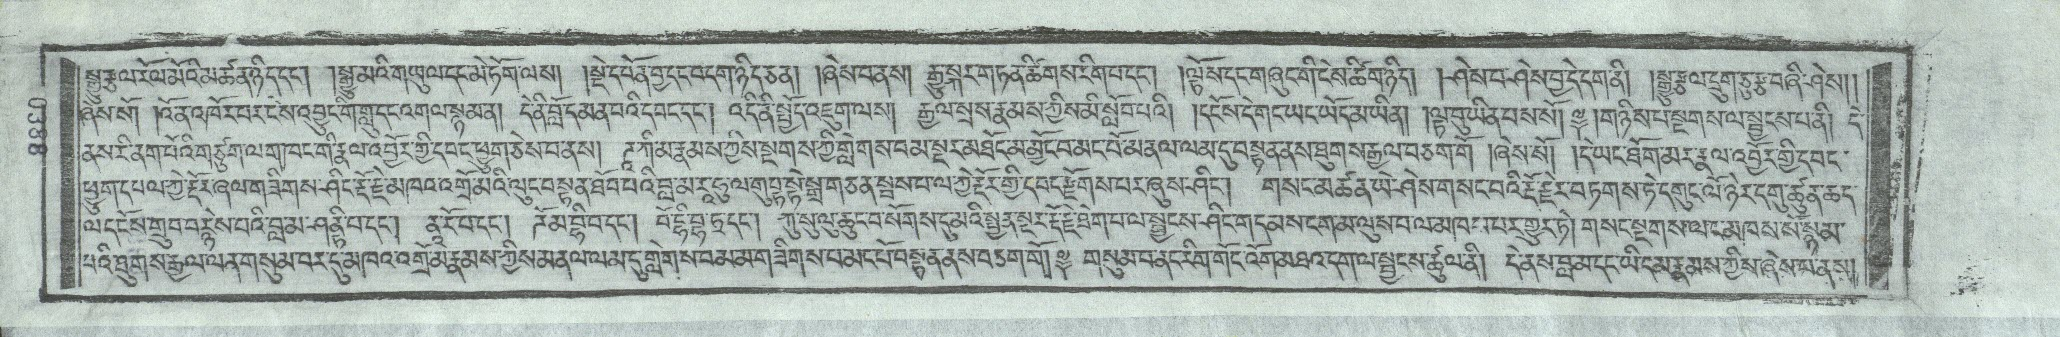སྒྱུ་རྩལ་རོལ་མོའི་མཚན་ཉིད་དང་། །སྒྱུ་མའི་གཡུལ་དང་མེ་ཏོག་ལས། །སྡེ་དཔོན་བྱ་དང་བདག་ཉིད་ཅན། །ཞེས་པ་ནས། རྒྱུ་སྐད་གཏན་ཚིགས་རིག་པ་དང་། །ལྟོས་དང་གཞུང་གི་ངེས་ཚིག་ཉིད། །ཤེས་པ་ཤེས་བྱ་དེ་དག་ནི། །སྒྱུ་རྩལ་དྲུག་ཅུ་རྩ་བཞི་ཤེས།།
ཞེས་སོ། །འོ་ན་འཁོར་པར་ངེས་འབྱུང་གི་གླུ་དང་འགལ་སྙམ་ན། དེ་ནི་བློ་དམན་པའི་དབང་དང་། འདི་ནི་སྤྱོད་འཇུག་ལས། རྒྱལ་སྲས་རྣམས་ཀྱིས་མི་སློབ་པའི། །དངོས་དེ་གང་ཡང་ཡོད་མ་ཡིན། །ལྟ་བུ་ཡིན་པས་སོ། ༈ །གཉིས་པ་སྔགས་ལ་སྦྱངས་པ་ནི། དེ་
ནས་རི་ནག་པོའི་གཙུག་ལག་ཁང་གི་རྣལ་འབྱོར་གྱི་དབང་ཕྱུག་ཅེས་པ་ནས། ཊཱ་ཀི་མ་རྣམས་ཀྱིས་སྔགས་ཀྱི་གླེགས་བམ་སྔར་མཐོད་མ་མྱོང་བ་མང་བོ་མན་ལ་ལམ་དུ་བསྟན་ནས་ཐུགས་རྒྱལ་བཅག་གོ །ཞས་སོ། །དེ་ཡང་ཐོག་མར་རྣལ་འབྱོར་གྱི་དབང་
ཕྱུག་དཔལ་ཀྱེ་རྡོར་ཞལ་གཟིགས་ཤིང་རྡོ་རྗེ་མཁའ་འགྲོ་མའི་ལུང་བསྟན་ཐོབ་པའི་བླ་མ་དཱ་ཧུ་ལ་གུབཏ་སྟེ་སྒྲ་གཅན་སྤས་པ་ལ་ཀྱེ་རྡོར་གྱི་དབང་རྫོགས་པར་ཞུས་ཤིང་། གསང་མཚན་ཡེ་ཤེས་གསང་བའི་རྡོ་རྗེར་བཏགས་ཏེ་དགུང་ལོ་ཉེར་དགུ་ཚུན་ཆད་
ལ་དངོས་གྲུབ་བརྙེས་པའི་བླ་མ་ཤནྟི་པ་དང་། ནཱ་རོ་པ་དང་། ཌོ་མ་བྷི་བ་དང་། བོ་དྷི་བྷ་ཧྲ་དང་། ཀུ་སུ་ལུ་ཆུང་བ་སོགས་དུ་མའི་སྤྱན་སྔར་རྡོ་རྗེ་ཐེག་པ་ལ་སྦྱངས་ཤིང་གདམས་ངག་མ་ལུས་པ་ལ་མཁས་པར་གྱུར་ཏེ། གསང་སྔགས་ལང་མཁས་སོ་སྙམ་
པའི་ཐུགས་རྒྱལ་ལན་གསུམ་པར་དུ་མཁའ་འགྲོ་མ་རྣམས་ཀྱིས་མན་ལ་ལམ་དུ་གླེགས་པ་མ་གཟིགས་པ་མང་པོ་བསྟན་ནས་བཅག་གོ།༈ གསུམ་པ་ནང་རིག་གོང་འོག་མཐའ་དག་ལ་སྦྱངས་ཚུལ་ནི། དེ་ནས་བླ་མ་དང་ཡིད་མ་རྣམས་ཀྱིས་ཞེས་པ་ནས།